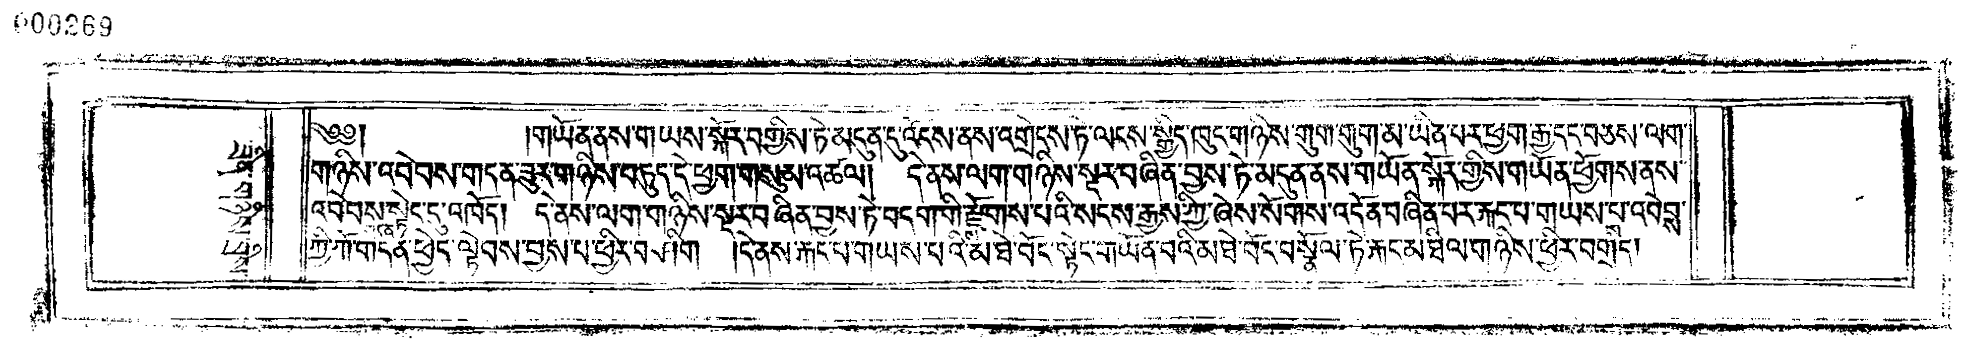༄༅། །གཡོན་ནས་གཡས་སྐོར་བགྱིས་ཏེ་མདུན་དུ་འོངས་ནས་འགྲེངས་ཏེ་ལངས་སྒྱིད་ཁུང་གཉིས་གུག་གུག་མ་ཡིན་པར་ཕྱག་རྒྱ་དང་བཅས་ལག་
གཉིས་འབེབས་གདན་ཟུར་གཉིས་བཏུད་དེ་ཕྱག་གསུམ་འཚལ། དེ་ནས་ལག་གཉིས་སྔར་བཞིན་བྱས་ཏེ་མདུན་ནས་གཡོན་སྐོར་གྱིས་གཡོན་ཕྱོགས་ནས་
འབེབས་གདན་སྟེང་དུ་འཁོད། དེ་ནས་ལག་གཉིས་སྔར་བཞིན་བྱས་ཏེ་བདག་གིས་རྫོགས་པའི་སངས་རྒྱས་ཀྱི་ཞེས་སོགས་འདོན་བཞིན་པར་རྐང་པ་གཡས་པས་འབེབས་
ཀྱི་ཀོ་གདན་ཕྱེད་ལྟེབས་བྱས་པ་ཕྱིར་བཤིག །དེ་ནས་རྐང་པ་གཡས་པའི་མཐེ་བོང་སྟེང་གཡོན་པའི་མཐེ་བོང་བསྣོལ་ཏེ་རྐང་མཐིལ་གཉིས་ཕྱིར་བགྲད།